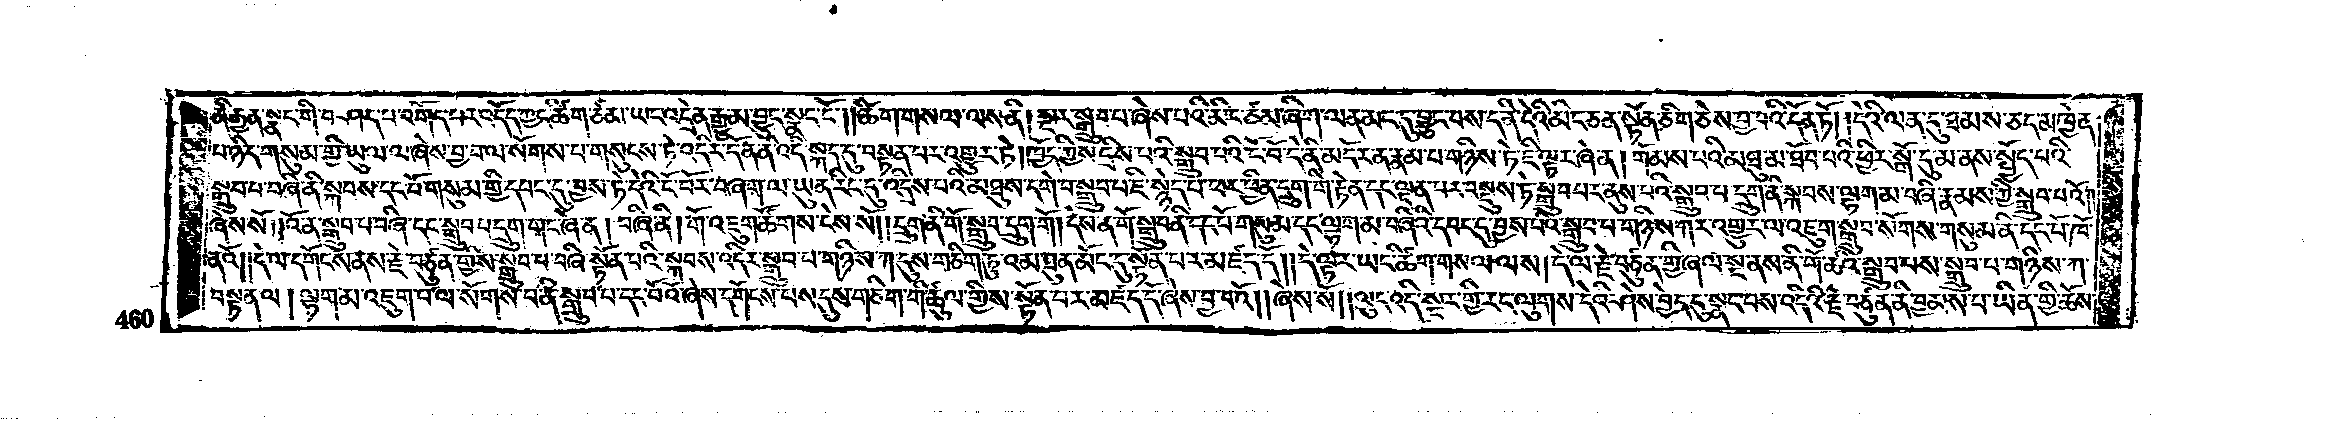ནི་རྒྱན་སྣང་གི་བཤད་པ་འགོད་པར་འདོད་ཀྱང་ཚིག་ཙམ་ཡང་འདྲེན་རྒྱུ་མ་བྱུང་སྣང་ངོ། །ཚིག་གསལ་ལས་ནི། སྔར་སྒྲུབ་པ་ཞེས་པའི་མིང་ཙམ་ཞིག་ལན་མང་དུ་བྱུང་བས་ད་ནི་དེའི་མིང་ཅན་སྟོན་ཅིག་ཅེས་བྱ་བའི་དོན་ཏོ། །དེའི་ལན་དུ་ཐམས་ཅད་མཁྱེན་
པ་ཉིད་གསུམ་གྱི་ཡུལ་ལ་ཞེས་བྱ་བ་ལ་སོགས་པ་གསུངས་ཏེ་འདིར་དོན་ནི་འདི་སྐད་དུ་བསྟན་པར་འགྱུར་ཏེ། ཁྱོད་ཀྱིས་དྲིས་པའི་སྒྲུབ་པའི་ངོ་བོ་དེ་ནི་མདོར་ན་རྣམ་པ་གཉིས་ཏེ་ཇི་ལྟར་ཞེ་ན། གོམས་པའི་མཐུ་མ་ཐོབ་པའི་ཕྱིར་སྒོ་དུ་མ་ནས་སྤྱོད་པའི་
སྒྲུབ་པ་བཞི་ནི་སྐབས་དང་པོ་གསུམ་གྱི་དབང་དུ་བྱས་ཏེ་དེའི་ངོ་བོར་བཞག་ལ་ཡུན་རིང་དུ་འདྲིས་པའི་མཐུས་དགེ་བ་སྒྲུབ་པ་ཇི་སྙེད་པ་ཕར་ཕྱིན་དྲུག་གི་རྟེན་དང་ལྡན་པར་བསྡུས་ཏེ་སྒྲུབ་པར་ནུས་པའི་སྒྲུབ་པ་དྲུག་ནི་སྐབས་ལྷག་མ་བཞི་རྣམས་ཀྱི་སྒྲུབ་པའོ། །
ཞེས་སོ། །འོ་ན་སྒྲུབ་པ་བཞི་དང་སྒྲུབ་པ་དྲུག་གང་ཞེ་ན། བཞི་ནི། གོ་འཇུག་ཚོགས་ངེས་སོ། །དྲུག་ནི་གོ་སྒྲུབ་དྲུག་གོ། །དེས་ན་གོ་སྒྲུབ་ནི་དང་པོ་གསུམ་དང་ལྷག་མ་བཞིའི་དབང་དུ་བྱས་པའི་སྒྲུབ་པ་གཉིས་ཀར་འགྱུར་ལ་འཇུག་སྒྲུབ་སོགས་གསུམ་ནི་དང་པོ་ཁོ་
ནའོ། །དེ་ལ་དགོངས་ནས་རྗེ་བཙུན་གྱིས་སྒྲུབ་པ་བཞི་སྟོན་པའི་སྐབས་འདིར་སྒྲུབ་པ་གཉིས་ཀ་དུས་གཅིག་ཏུ་འམ་ཐུན་མོང་དུ་སྟོན་པར་མཛད་དོ། །དེ་ལྟར་ཡང་ཚིག་གསལ་ལས། དེ་ལ་རྗེ་བཙུན་གྱི་ཞལ་སྔ་ནས་ནི་གོ་ཆའི་སྒྲུབ་པས་སྒྲུབ་པ་གཉིས་ཀ་
བསྟན་ལ། ལྷག་མ་འཇུག་པ་ལ་སོགས་པ་ནི་སྒྲུབ་པ་དང་པོའོ་ཞེས་དགོངས་པས་དུས་གཅིག་གི་ཚུལ་གྱིས་སྟོན་པར་མཛད་དོ་ཞེས་བྱ་བའོ། །ཞེས་སོ། །ལུང་འདི་སྔར་གྱི་རང་ལུགས་དེའི་ཤེས་བྱེད་དུ་སྣང་བས་འདིའི་རྗེ་བཙུན་ནི་བྱམས་པ་ཡིན་གྱི་ཆོས་